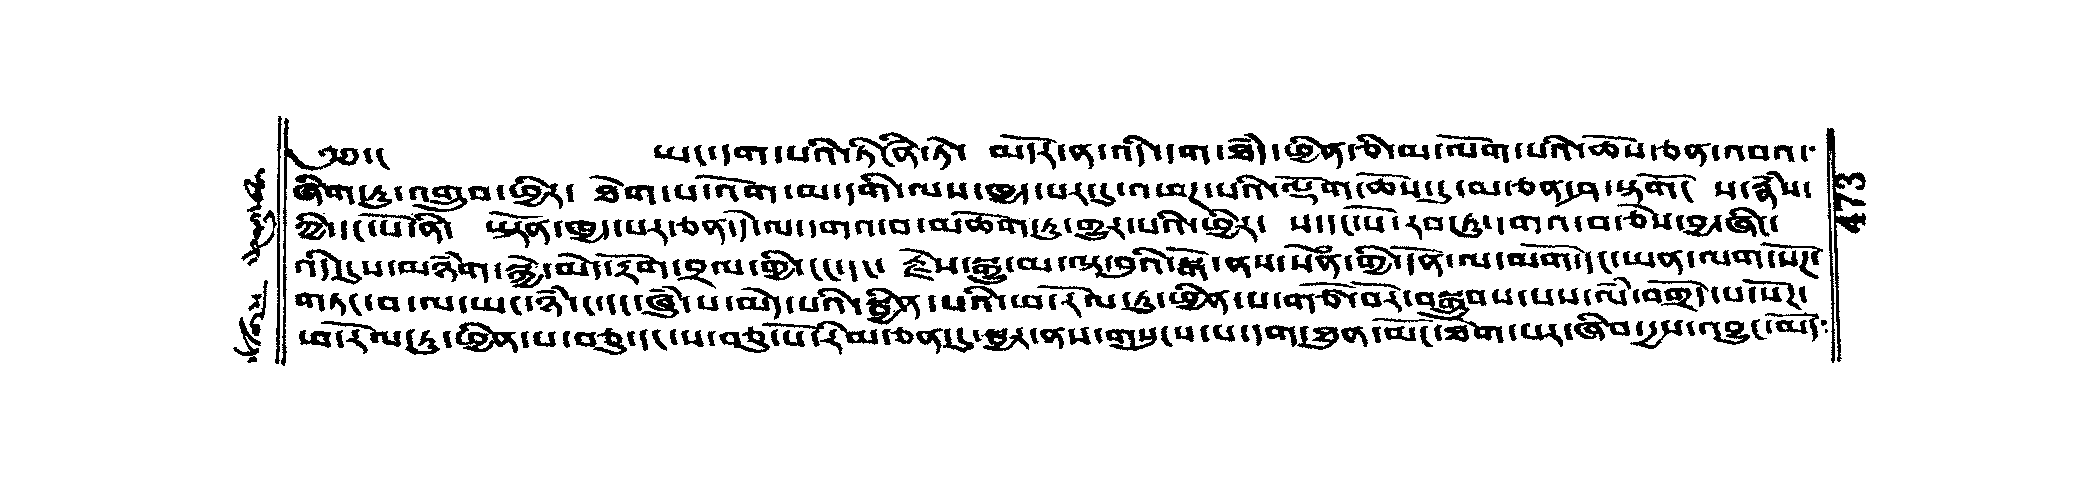ཡང་དག་པའི་ཏིང་འཛིན་ཏེ། མདོར་ན་འདི་དག་ཐམས་ཅད་ཕྱིན་ཅི་མ་ལོག་པའི་ཆོས་ཅན་འབའ་
ཞིག་ཏུ་འགྲུབ་ཕྱིར། ཐེག་པ་འོག་མ་དག་གི་ལས་ཁྱད་པར་དུ་འཕགས་པའི་ལྡོག་ཆོས་དུ་མ་ཅན་ཤ་སྟག་གོ ས་རྣམས་
ཀྱི་དང་པོ་ནི། ཡོན་ཏན་ཁྱད་པར་ཅན་དེ་ལ་དགའ་བ་མཆོག་ཏུ་གྱུར་པའི་ཕྱིར། ས་དང་པོ་རབ་ཏུ་དགའ་བ་ཞེས་བྱ་ཞིང་། 
འདི་དུས་མཉམ་བཞག་སྐྱེ་མེད་རྟོག་བྲལ་གྱི་ངང་དང་། རྗེས་ཐོབ་སྒྱུ་མ་ལྟ་བུའི་སྒོ་ནས་སེམས་ཅན་གྱི་དོན་ལ་མགོ་དང་ཡན་ལག་སོགས་
གཏང་བ་ལ་ཡང་ཉམ་ང་དང་ཞུམ་པ་མེད་པའི་སྦྱིན་པའི་ཕ་རོལ་ཏུ་ཕྱིན་པ་གཙོ་བོར་བསྒྲུབས་པས་ལམ་བགྲོད་པ་སོགས་
ཕ་རོལ་ཏུ་ཕྱིན་པ་བཅུ་དང་ས་བཅུ་པོ་རིམ་ཅན་དུ་སྦྱར་ནས་གསུངས་པ་དག་ཐུན་མོང་ཐེག་པར་ཞིབ་རྒྱས་འབྱུང་མོད་